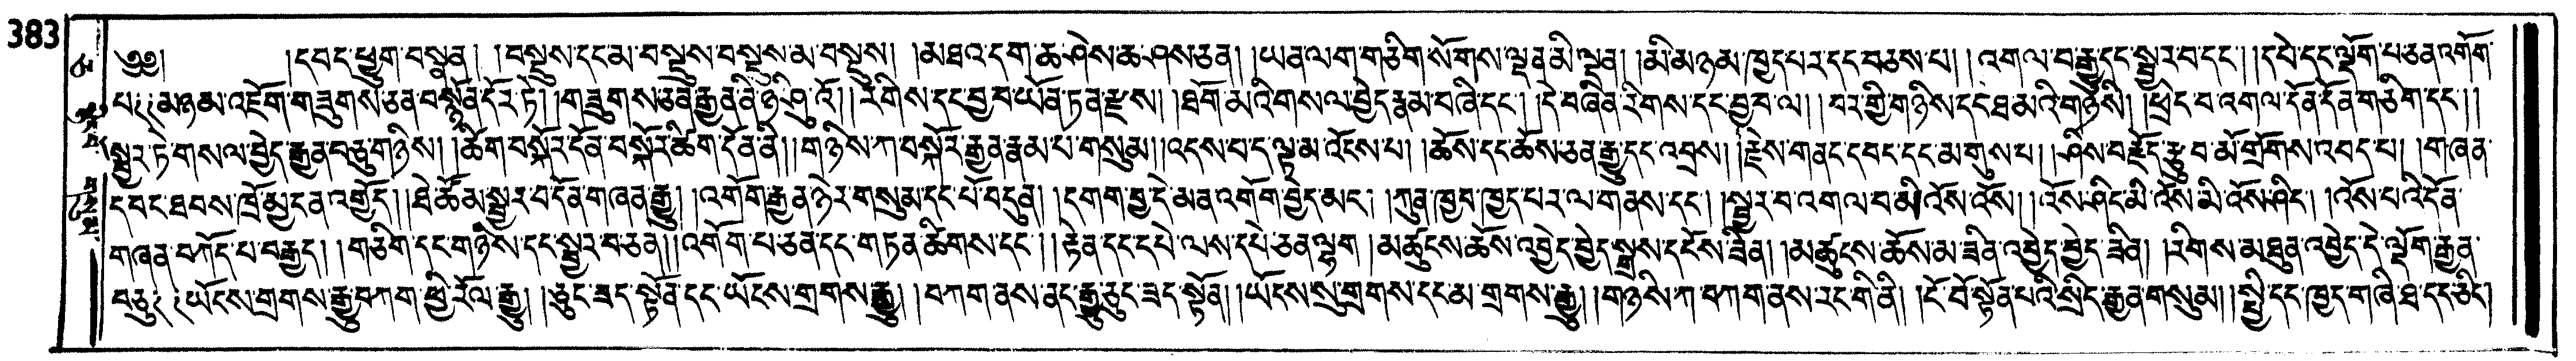༄༅། །དབང་ཕྱུག་བསྣན། །བསྡུས་དང་མ་བསྡུས་བསྡུས་མ་བསྡུས། །མཐའ་དག་ཆ་ཤེས་ཆ་ཤས་ཅན། །ཡན་ལག་གཅིག་སོགས་ལྡན་མི་ལྡན། །མི་མཉམ་ཁྱད་པར་དང་བཅས་པ། །འགལ་བ་རྒྱུ་དང་སྦྱར་བ་དང་། །དཔེ་དང་ལྡོག་པ་ཅན་འགོག་
པ༑ ༑མཉམ་འཇོག་གཟུགས་ཅན་བསྙོན་དོར་ཏེ། །གཟུགས་ཅན་རྒྱན་ནི་ཉི་ཤུ་འོ། །རིགས་དང་བྱ་བ་ཡོན་ཏན་རྫས། །ཐོག་མའི་གསལ་བྱེད་རྣམ་བཞི་དང་། །དེ་བཞིན་རིགས་དང་བྱ་བ་ལ། །བར་གྱི་གཉིས་དང་ཐ་མའི་གཉིས། །ཕྲེང་བ་འགལ་དོན་དོན་གཅིག་དང།།
སྦྱར་ཏེ་གསལ་བྱེད་རྒྱན་བཅུ་གཉིས། །ཚིག་བསྐོར་དོན་བསྐོར་ཚིག་དོན་ནི། །གཉིས་ཀ་བསྐོར་རྒྱན་རྣམ་པ་གསུམ། །འདས་པ་ད་ལྟ་མ་འོངས་པ། །ཆོས་དང་ཆོས་ཅན་རྒྱུ་དང་འབྲས། །རྗེས་གནང་དབང་དང་མ་གུས་པ། །ཤིས་བརྗོད་རྩུབ་མོ་གྲོགས་འབད་པ། །གཞན་
དབང་ཐབས་ཁྲོ་མྱ་ངན་འགྱོད། །ཐེ་ཚོམ་སྦྱར་བ་དོན་གཞན་རྒྱུ། །འགོག་རྒྱན་ཉེར་གསུམ་དང་པོ་བདུན། །དགག་བྱ་དེ་མན་འགོག་བྱེད་མང་། །ཀུན་ཁྱབ་ཁྱད་པར་ལ་གནས་དང་། །སྦྱར་བ་འགལ་བ་མི་འོས་འོས། །འོས་ཤིང་མི་འོས་མི་འོས་ཤིང་། །འོས་བའི་དོན་
གཞན་བཀོད་པ་བརྒྱད། །གཅིག་དང་གཉིས་དང་སྦྱར་བ་ཅན། །འགོག་པ་ཅན་དང་གཏན་ཚིགས་དང་། །རྟེན་དང་དཔེ་ལས་དཔེ་ཅན་ལྷག །མཚུངས་ཆོས་འབྱེད་བྱེད་སྒྲས་དངོས་ཟིན། །མཚུངས་ཆོས་མ་ཟིན་འབྱེད་བྱེད་ཟིན། །རིགས་མཐུན་འབྱེད་དེ་ལྡོག་རྒྱན་
བཅུ༑ ༑ཡོངས་གྲགས་རྒྱུ་བཀག་ཕྱི་རོལ་རྒྱུ། །ཅུང་ཟད་སྟོན་དང་ཡོངས་གྲགས་རྒྱུ། །བཀག་ནས་ནང་རྒྱུ་ཅུང་ཟད་སྟོན། །ཡོངས་སུ་གྲགས་དང་མ་གྲགས་རྒྱུ། །གཉིས་ཀ་བཀག་ནས་རང་གི་ནི། །ངོ་བོ་སྟོན་པའི་སྲིད་རྒྱན་གསུམ། །སྤྱི་དང་ཁྱད་གཞི་ཐ་དད་ཅིང་།